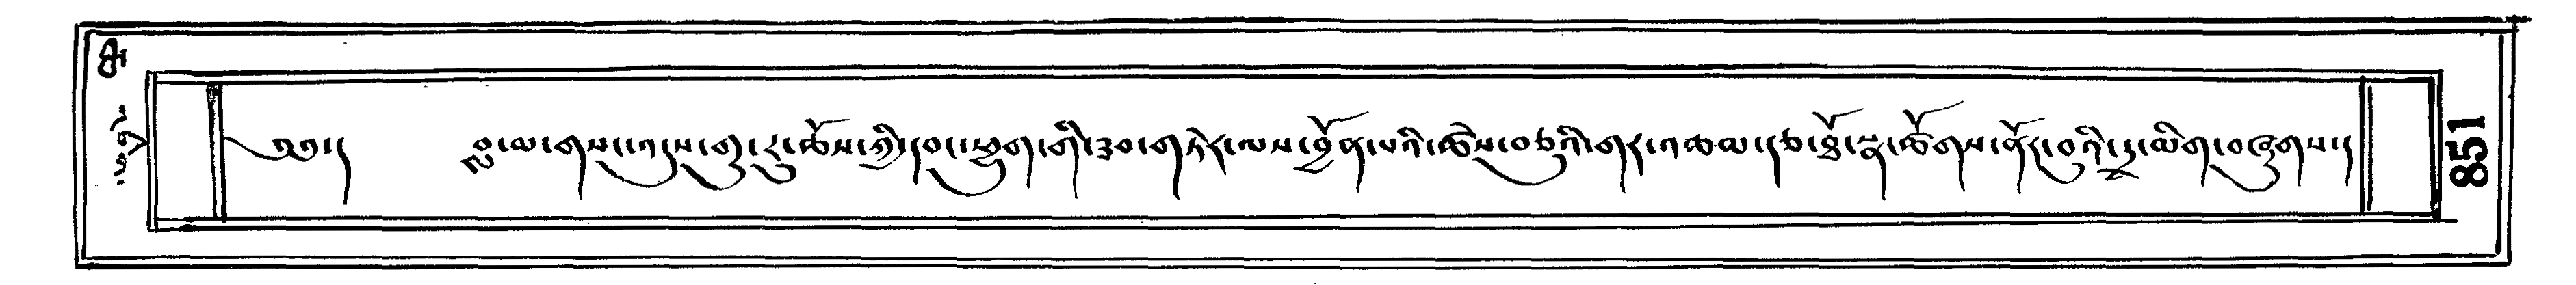༄༅། བླ་མ་གསང་འདུས་གུ་རུ་ཆོས་ཀྱི་དབང་ཕྱུག་གི་ཟབ་གཏེར་ལས་བྱོན་པའི་ཚེས་བཅུའི་གར་འཆམ་རྩ་ཐོ་སྣ་ཚོགས་ནོར་བུའི་དྲྭ་མིག་བཞུགས།